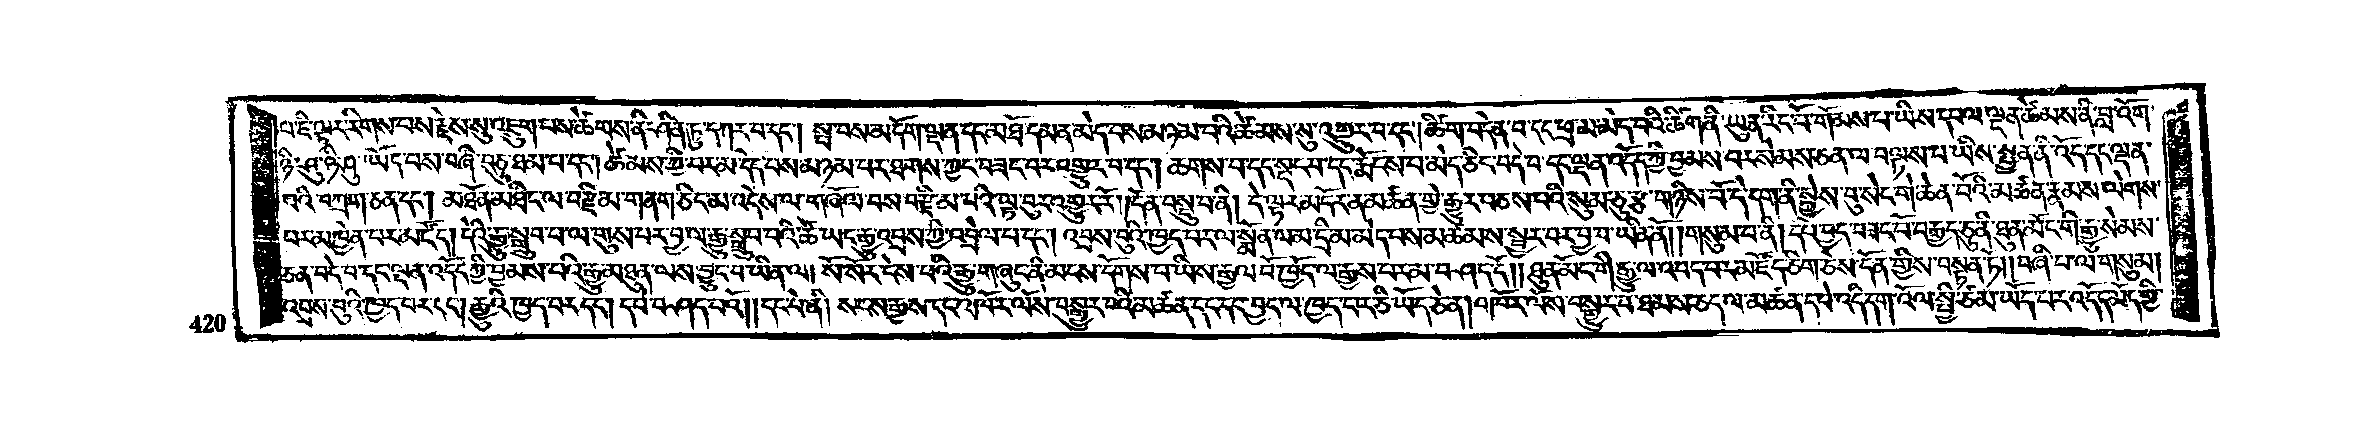པ་ཇི་ལྟར་རིགས་པས་རྗེས་སུ་འཇུག་པས་ཚེགས་ནི་ཤིན་ཏུ་དཀར་བ་དང་། སྤ་བས་མདོག་ལྡན་དང་མཐོ་དམན་མེད་པས་མཉམ་པའི་ཚེམས་སུ་འགྱུར་བ་དང་། ཚིག་བདེན་པ་དང་ཕྲ་མ་མེད་པའི་ཚིག་ནི་ཡུན་རིང་པོ་གོམས་པ་ཡིས་དཔལ་ལྡན་ཚེམས་ནི་བླ་འོག་
ཉི་ཤུ་ཉི་ཤུ་ཡོད་པས་བཞི་བཅུ་ཐམ་པ་དང་། ཚེམས་ཀྱི་བར་མ་དེད་པས་མཉམ་པར་ཐགས་ཀྱང་བཟང་བར་འགྱུར་བ་དང་། ཆགས་པ་དང་སྡང་བ་དང་རྨོངས་པ་མེད་ཅིང་བདེ་བ་དང་ལྡན་འདོད་ཀྱི་བྱམས་པར་སེམས་ཅན་ལ་བལྟས་པ་ཡིས་སྤྱན་ནི་འོད་དང་ལྡན་
པའི་བཀྲག་ཅན་དང་། མཐོན་མཐིང་ལ་བརྫི་མ་གང་ཅིང་མ་འདེས་ལ་གཞོལ་བས་བརྫི་མ་པའི་ལྟ་བུར་འགྱུར་རོ། །དོན་བསྡུ་བ་ནི། དེ་ལྟར་མདོར་ན་མཚན་གྱི་རྒྱུར་བཅས་པའི་སུམ་ཅུ་རྩ་གཉིས་པོ་དེ་དག་ནི་སྐྱེས་བུ་སེང་གེ་ཆེན་པོའི་མཚན་རྣམས་ལེགས་
པར་མཁྱེན་པར་མཛོད། དེའི་རྒྱུ་སྒྲུབ་པ་ལ་གུས་པར་བྱ་ལ་རྒྱུ་སྒྲུབ་པའི་ཚེ་ཡང་རྒྱུ་འབྲས་ཀྱི་འབྲེལ་པ་དང་། འབྲས་བུའི་ཁྱད་པར་ལ་སྨོན་ལམ་དྲི་མ་མེད་པས་མཚམས་སྦྱར་བར་བྱ་བ་ཡིན་ནོ། །གསུམ་པ་ནི། དཔེ་བྱད་བཟང་པོ་བརྒྱད་ཅུ་ནི་ཐུན་མོང་གི་རྒྱུ་སེམས་
ཅན་བདེ་བ་དང་ལྡན་འདོད་ཀྱི་བྱམས་པའི་རྒྱུ་མཐུན་ལས་བྱུང་བ་ཡིན་ལ། སོ་སོར་ངེས་པའི་རྒྱུ་གཞུང་ནི་མངས་དོགས་པ་ཡིས་རྒྱལ་པོ་ཁྱོད་ལ་རྒྱས་པར་མ་བཤད་དོ། །ཐུན་མོང་གི་རྒྱུ་ལ་འབད་པར་མཛོད་ཅིག་ཅེས་དོན་གྱིས་བསྟན་ཏོ། །བཞི་པ་ལ་གསུམ།
འབྲས་བུའི་ཁྱད་པར་དང་། རྒྱུའི་ཁྱད་པར་དང་། དཔེ་བཤད་པའོ། །དང་པོ་ནི། སངས་རྒྱས་དང་འཁོར་ལོས་བསྒྱུར་བའི་མཚན་དང་དཔེ་བྱད་ལ་ཁྱད་པར་ཅི་ཡོད་ཅེ་ན། འཁོར་ལོས་བསྒྱུར་བ་ཐམས་ཅད་ལ་མཚན་དཔེ་འདི་དག་འོ་ལ་སྤྱི་ཙམ་ཡོད་པར་འདོད་མོད་གྱི་